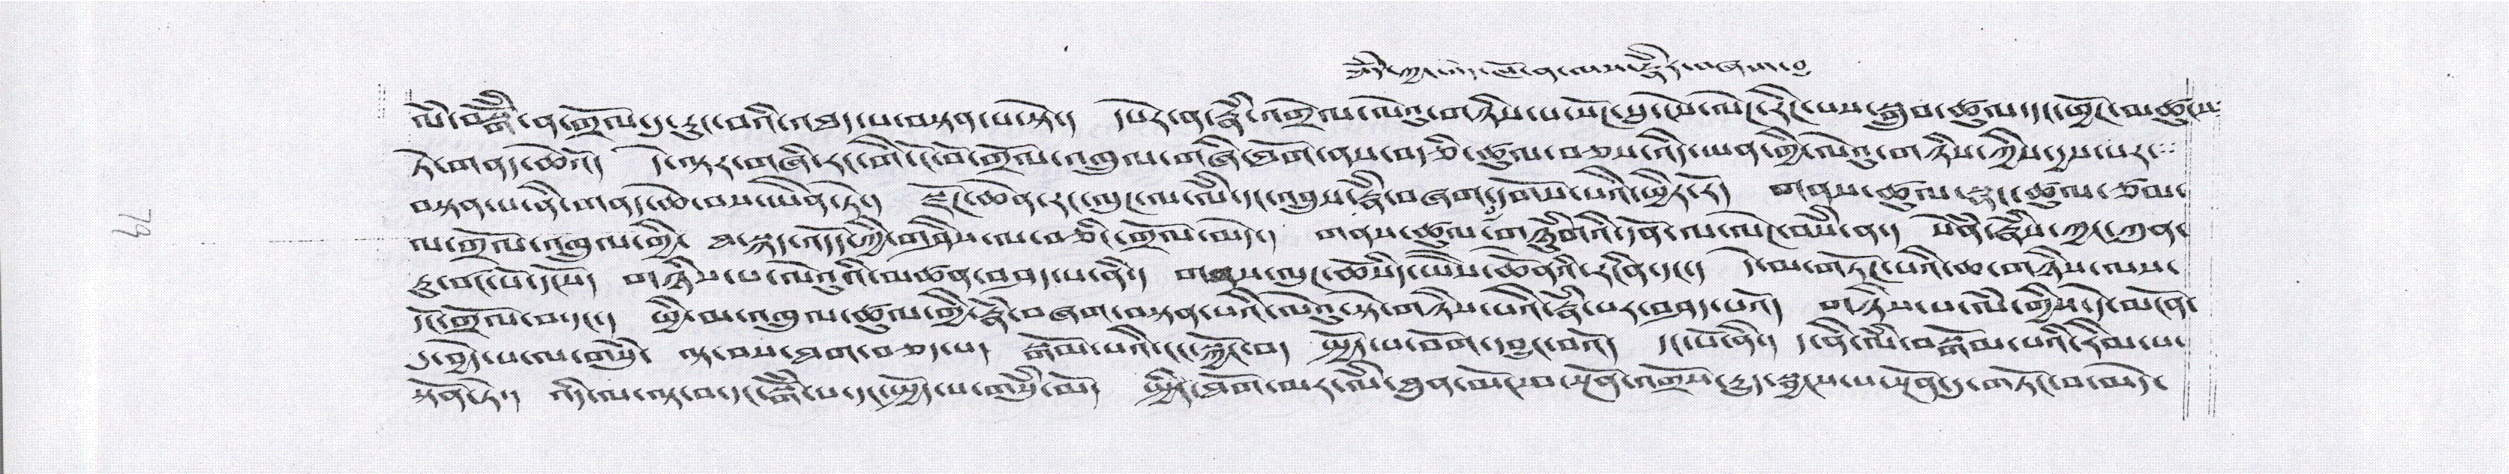ལམ་བསྒོམ་ན་གྲོལ་དུ་རུང་བའི་འཐད་པ་བསྟན་པ་སྟེ། དཔེར་ན་རྣམ་འགྲེལ་ལེའུ་གཉིས་པ་སོགས་སུ་ངེས་ལེགས་རིགས་པས་བསྒྲུབ་ཚུལ་དང་ཕྱོགས་མཚུངས་
ཏེ་གནད་ཆེའོ། དེ་ལྟར་གཞི་རང་གི་ངོ་བོ་གྲོལ་འཁྲུལ་གཞི་ཐོག་ནས་བརྩི་ཚུལ་བཅས་འདི་ཡན་གྱི་ལེའུ་ཡན་གྱི་ལེའུ་གཉིས་ཀྱིས་རྒྱས་པར་
བསྟན་པ་ནི་གནད་ཆེ་བས་ཡིན་ཏེ། རྫོགས་ཆེན་རང་ལུགས་ལ་ལམ་དང་འབྲས་བུ་རྣམ་གཞག་ཐམས་ཅད་ཀྱང་འདི་ཁོ་ན་ལས་རྣམ་པར་གཞག་དགོས་པའི་ཕྱིར་རོ། གནས་ཚུལ་སྣང་ཚུལ་ཙམ་
ལ་གྲོལ་འཁྲུལ་གྱི། ཐ་སྙད་འདོད་ཀྱི་གཤིས་ལ་བཅིང་གྲོལ་མེད། གནས་ཚུལ་གཉུག་མའི་དོན་ལ་ལེགས་བསམ་ན། སེམས་ཅན་རྣམས་ཀྱང་ཀུན་
ཏུ་བཟང་པོ་དངོས། །གཉིས་པ་ལེའུའི་མཚན་བཤད་པ་ནི། གནས་ལུགས་ཆོས་ཉིད་ཡེ་ཤེས་ཆེན་པོའི་རང་བཞིན་དང་། དེ་མ་གཏོགས་པའི་ཆ་གཉིས་ལས། 
དང་པོ་གྲོལ་བ་དང་ཕྱི་མ་འཁྲུལ་ཚུལ་གྱི་རྣམ་གཞག་བསྟན་པའི་ལེའུ་སྟེ་གཉིས་པའི་རྣམ་པར་བཤད་པའོ། གཉིས་པ་ལམ་གྱིས་དེ་མངོན་
དུ་བྱེད་པ་ལ་གསུམ། ལྟ་བས་ཐག་བཅད་པ། སྒོམ་པས་ངང་སྐྱོང་བ། སྤྱོད་པ་བོག་དབྱུང་བའོ། དང་པོ་ནི། ད་ནི་ལམ་བསྒོམ་པའི་རིམ་པ་
སྟོན་ཏེ། འདི་ལ་ལྟ་བ་དང་སྒོམ་པ་དང་སྤྱོད་པ་དང་གསུམ་མོ། སྤྱིར་ཐོག་མར་ལམ་ཐུན་མོང་བ་སྔོན་འགྲོས་རྒྱུད་སྦྱོང་བ་སྔོན་དུ་གཏོང་བ་མེད་